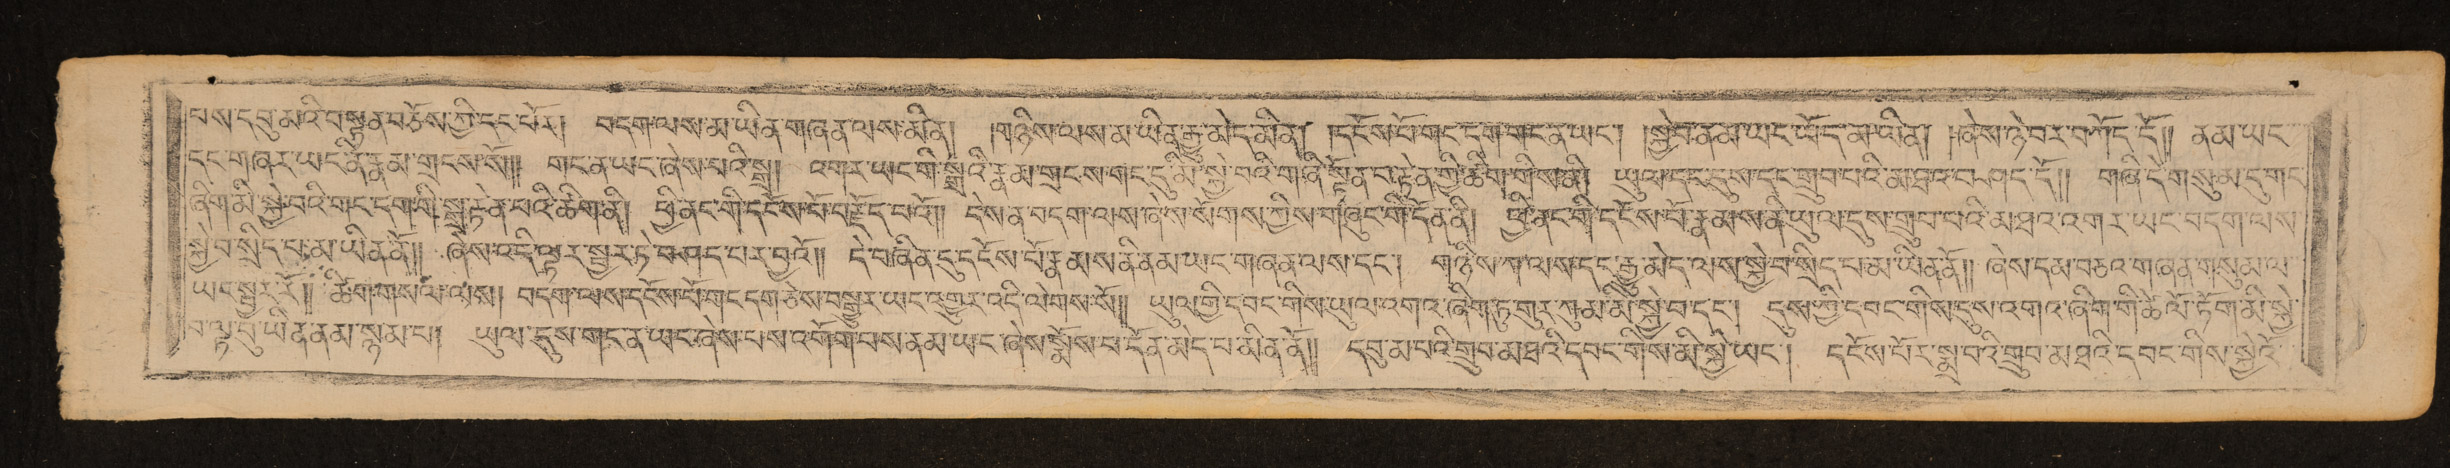པས་དབུ་མའི་བསྟན་བཅོས་ཀྱི་དང་པོར། བདག་ལས་མ་ཡིན་གཞན་ལས་མིན། །གཉིས་ལས་མ་ཡིན་རྒྱུ་མེད་མིན། །དངོས་པོ་གང་དག་གང་ན་ཡང་། །སྐྱེ་བ་ནམ་ཡང་ཡོད་མ་ཡིན། །ཞེས་ཉེ་བར་བཀོད་དོ།། ནམ་ཡང་
དང་གཞར་ཡང་ནི་རྣམ་གྲངས་སོ།། གང་ན་ཡང་ཞེས་པའི་སྒྲ། འགར་ཡང་གི་སྒྲའི་རྣམ་གྲངས་གང་དུ་མི་སྐྱེ་བའི་གཞི་སྟོན་པ་རྟེན་གྱི་ཚིག་གིས་ནི། ཡུལ་དང་དུས་དང་གྲུབ་པའི་མཐའ་བཤད་དོ།། གཞི་དེ་གསུམ་དུ་གང་
ཞིག་མི་སྐྱེ་བའི་གང་དག་གི་སྒྲ་རྟེན་པའི་ཚིག་ནི། ཕྱི་ནང་གི་དངོས་པོ་བརྗོད་པའོ།། དེས་ན་བདག་ལས་ཞེས་སོགས་ཀྱི་གཞུང་གི་དོན་ནི། ཕྱི་ནང་གི་དངོས་པོ་རྣམས་ནི་ཡུལ་དུས་གྲུབ་པའི་མཐའ་འགར་ཡང་བདག་ལས་
སྐྱེ་བ་སྲིད་པ་མ་ཡིན་ནོ།། ཞེས་འདི་ལྟར་སྦྱར་ཏེ་བཤད་པར་བྱའོ།། དེ་བཞིན་དུ་དངོས་པོ་རྣམས་ནི་ནམ་ཡང་གཞན་ལས་དང་། གཉིས་ཀ་ལས་དང་རྒྱུ་མེད་ལས་སྐྱེ་བ་སྲིད་པ་མ་ཡིན་ནོ།། ཞེས་དམ་བཅའ་གཞན་གསུམ་ལ་
ཡང་སྦྱར་རོ།། ཚིག་གསལ་ལས། བདག་ལས་དངོས་པོ་གང་དག་ཅེས་བསྒྱུར་ཡང་འགྱུར་འདི་ལེགས་སོ།། ཡུལ་གྱི་དབང་གིས་ཡུལ་འགའ་ཞིག་ཏུ་གུར་ཀུམ་མི་སྐྱེ་བ་དང་། དུས་ཀྱི་དབང་གིས་དུས་འགའ་ཞིག་གི་ཚེ་ལོ་ཏོག་མི་སྐྱེ་
བ་ལྟ་བུ་ཡིན་ནམ་སྙམ་པ། ཡུལ་དུས་གང་ན་ཡང་ཞེས་པས་འགོག་པས་ནམ་ཡང་ཞེས་སྨོས་པ་དོན་མེད་པ་མིན་ནོ།། དབུ་མ་པའི་གྲུབ་མཐའི་དབང་གིས་མི་སྐྱེ་ཡང་། དངོས་པོར་སྨྲ་བའི་གྲུབ་མཐའི་དབང་གིས་སྐྱེའོ་